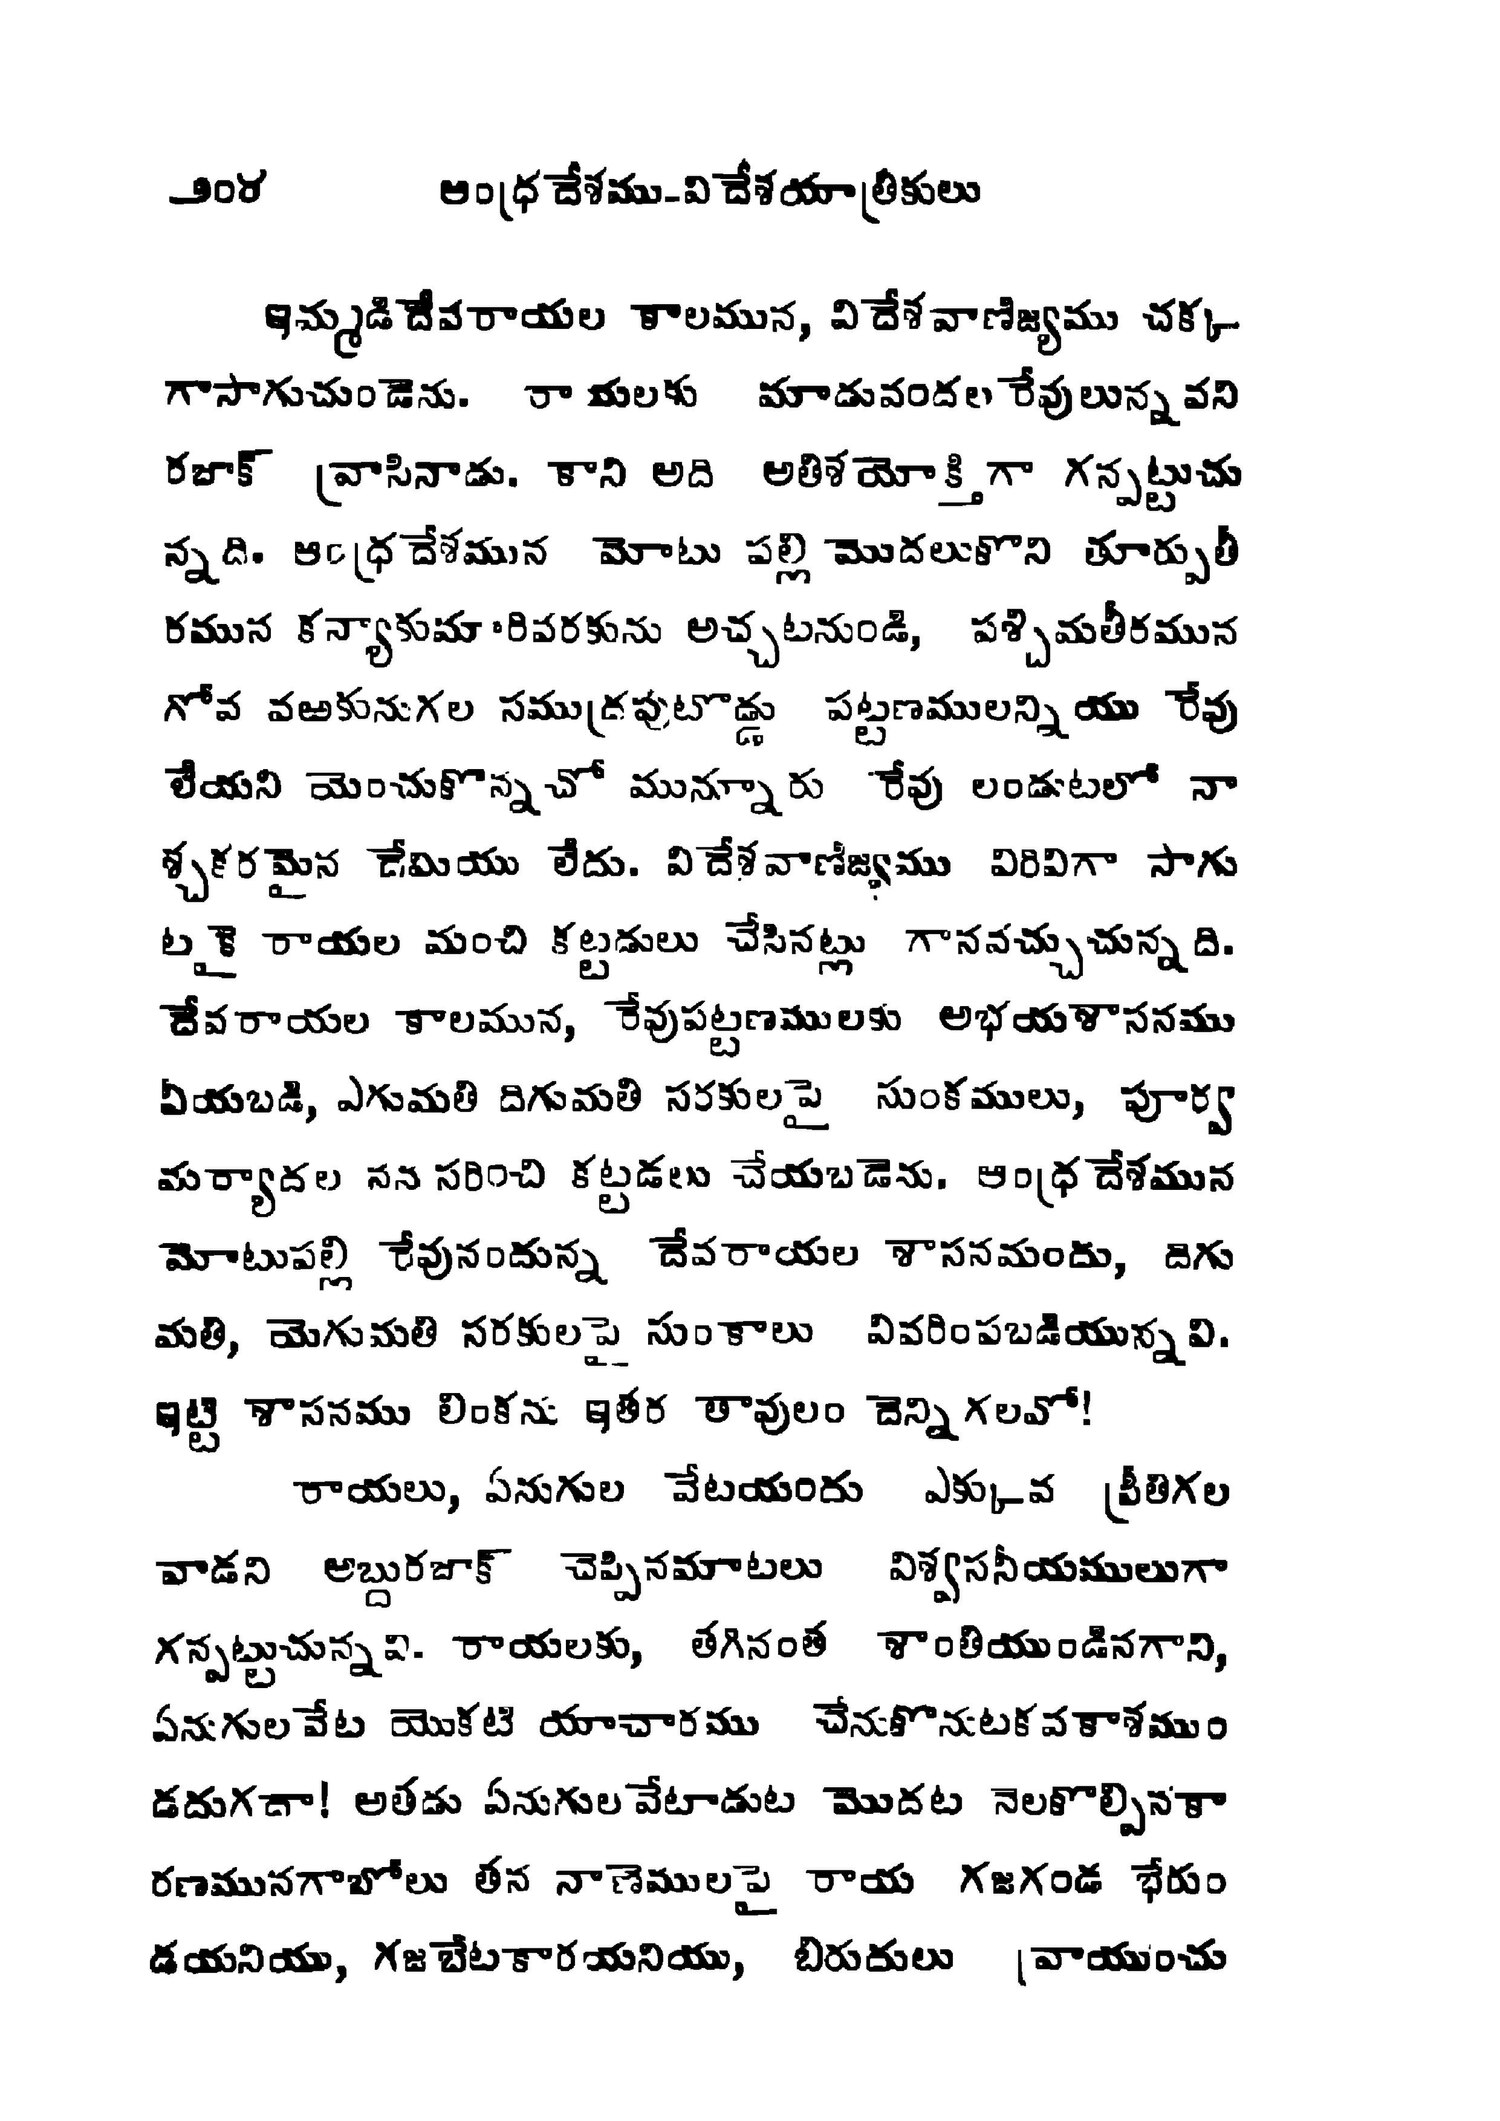ఇమ్మడి దేవరాయల కాలమున, విదేశ వాణిజ్యము చక్కగా సాగుచుండెను. రాయలకు మూడువందల రేవులున్నవని రజాక్ వ్రాసినాడు. కాని అది అతిశయోక్తిగా గన్పట్టుచున్నది. ఆంధ్రదేశమున మోటు పల్లి మొదలుకొని తూర్పుతీరమున కన్యాకుమారి వరకును అచ్చటనుండి, పశ్చమతీరమున గోవ వఱకునుగల సముద్రపుటొడ్డు పట్టణములన్నియు రేవులేయని యెంచుకొన్నచో మున్నూరు రేవు లండుటలో నాశ్చర్యకరమైన దేమియు లేదు. విదేశ వాణిజ్యము విరివిగా సాగుటకై రాయల మంచి కట్టడులు చేసినట్లు గాన వచ్చుచున్నది. దేవరాయల కాలమున, రేవుపట్టణములకు అభయశాసనము వీయబడి, ఎగుమతి దిగుమతి సరకులపై సుంకములు, పూర్వ మర్యాదల ననుసరించి కట్టడలు చేయబడెను. ఆంధ్రదేశమున మోటుపల్లి రేవునందున్న దేవరాయల శాసనమందు, దిగుమతి, యెగుమతి సరకులపై సుంకాలు వివరింపబడి యున్నవి. ఇట్టి శాసనము లింకను ఇతర తావులం దెన్నిగలవో!

రాయలు, ఏనుగుల వేటయందు ఎక్కువ ప్రీతిగలవాడని అబ్దుర్‌రజాక్ చెప్పనమాటలు విశ్వసనీయములుగా గన్పట్టుచున్నవి. రాయలకు, తగినంత శాంతియుండిన గాని, ఏనుగులవేట యొకటి యాచారము చేసుకొనుటకవకాశ ముండదుగదా! అతడు ఏనుగుల వేటాడుట మొదట నెలకొల్పిన కారణమున గాబోలు తన నాణెములపై రాయ గజగండ భేరుండయనియు, గజబేటకారయనియు, బిరుదులు వ్రాయుంచు